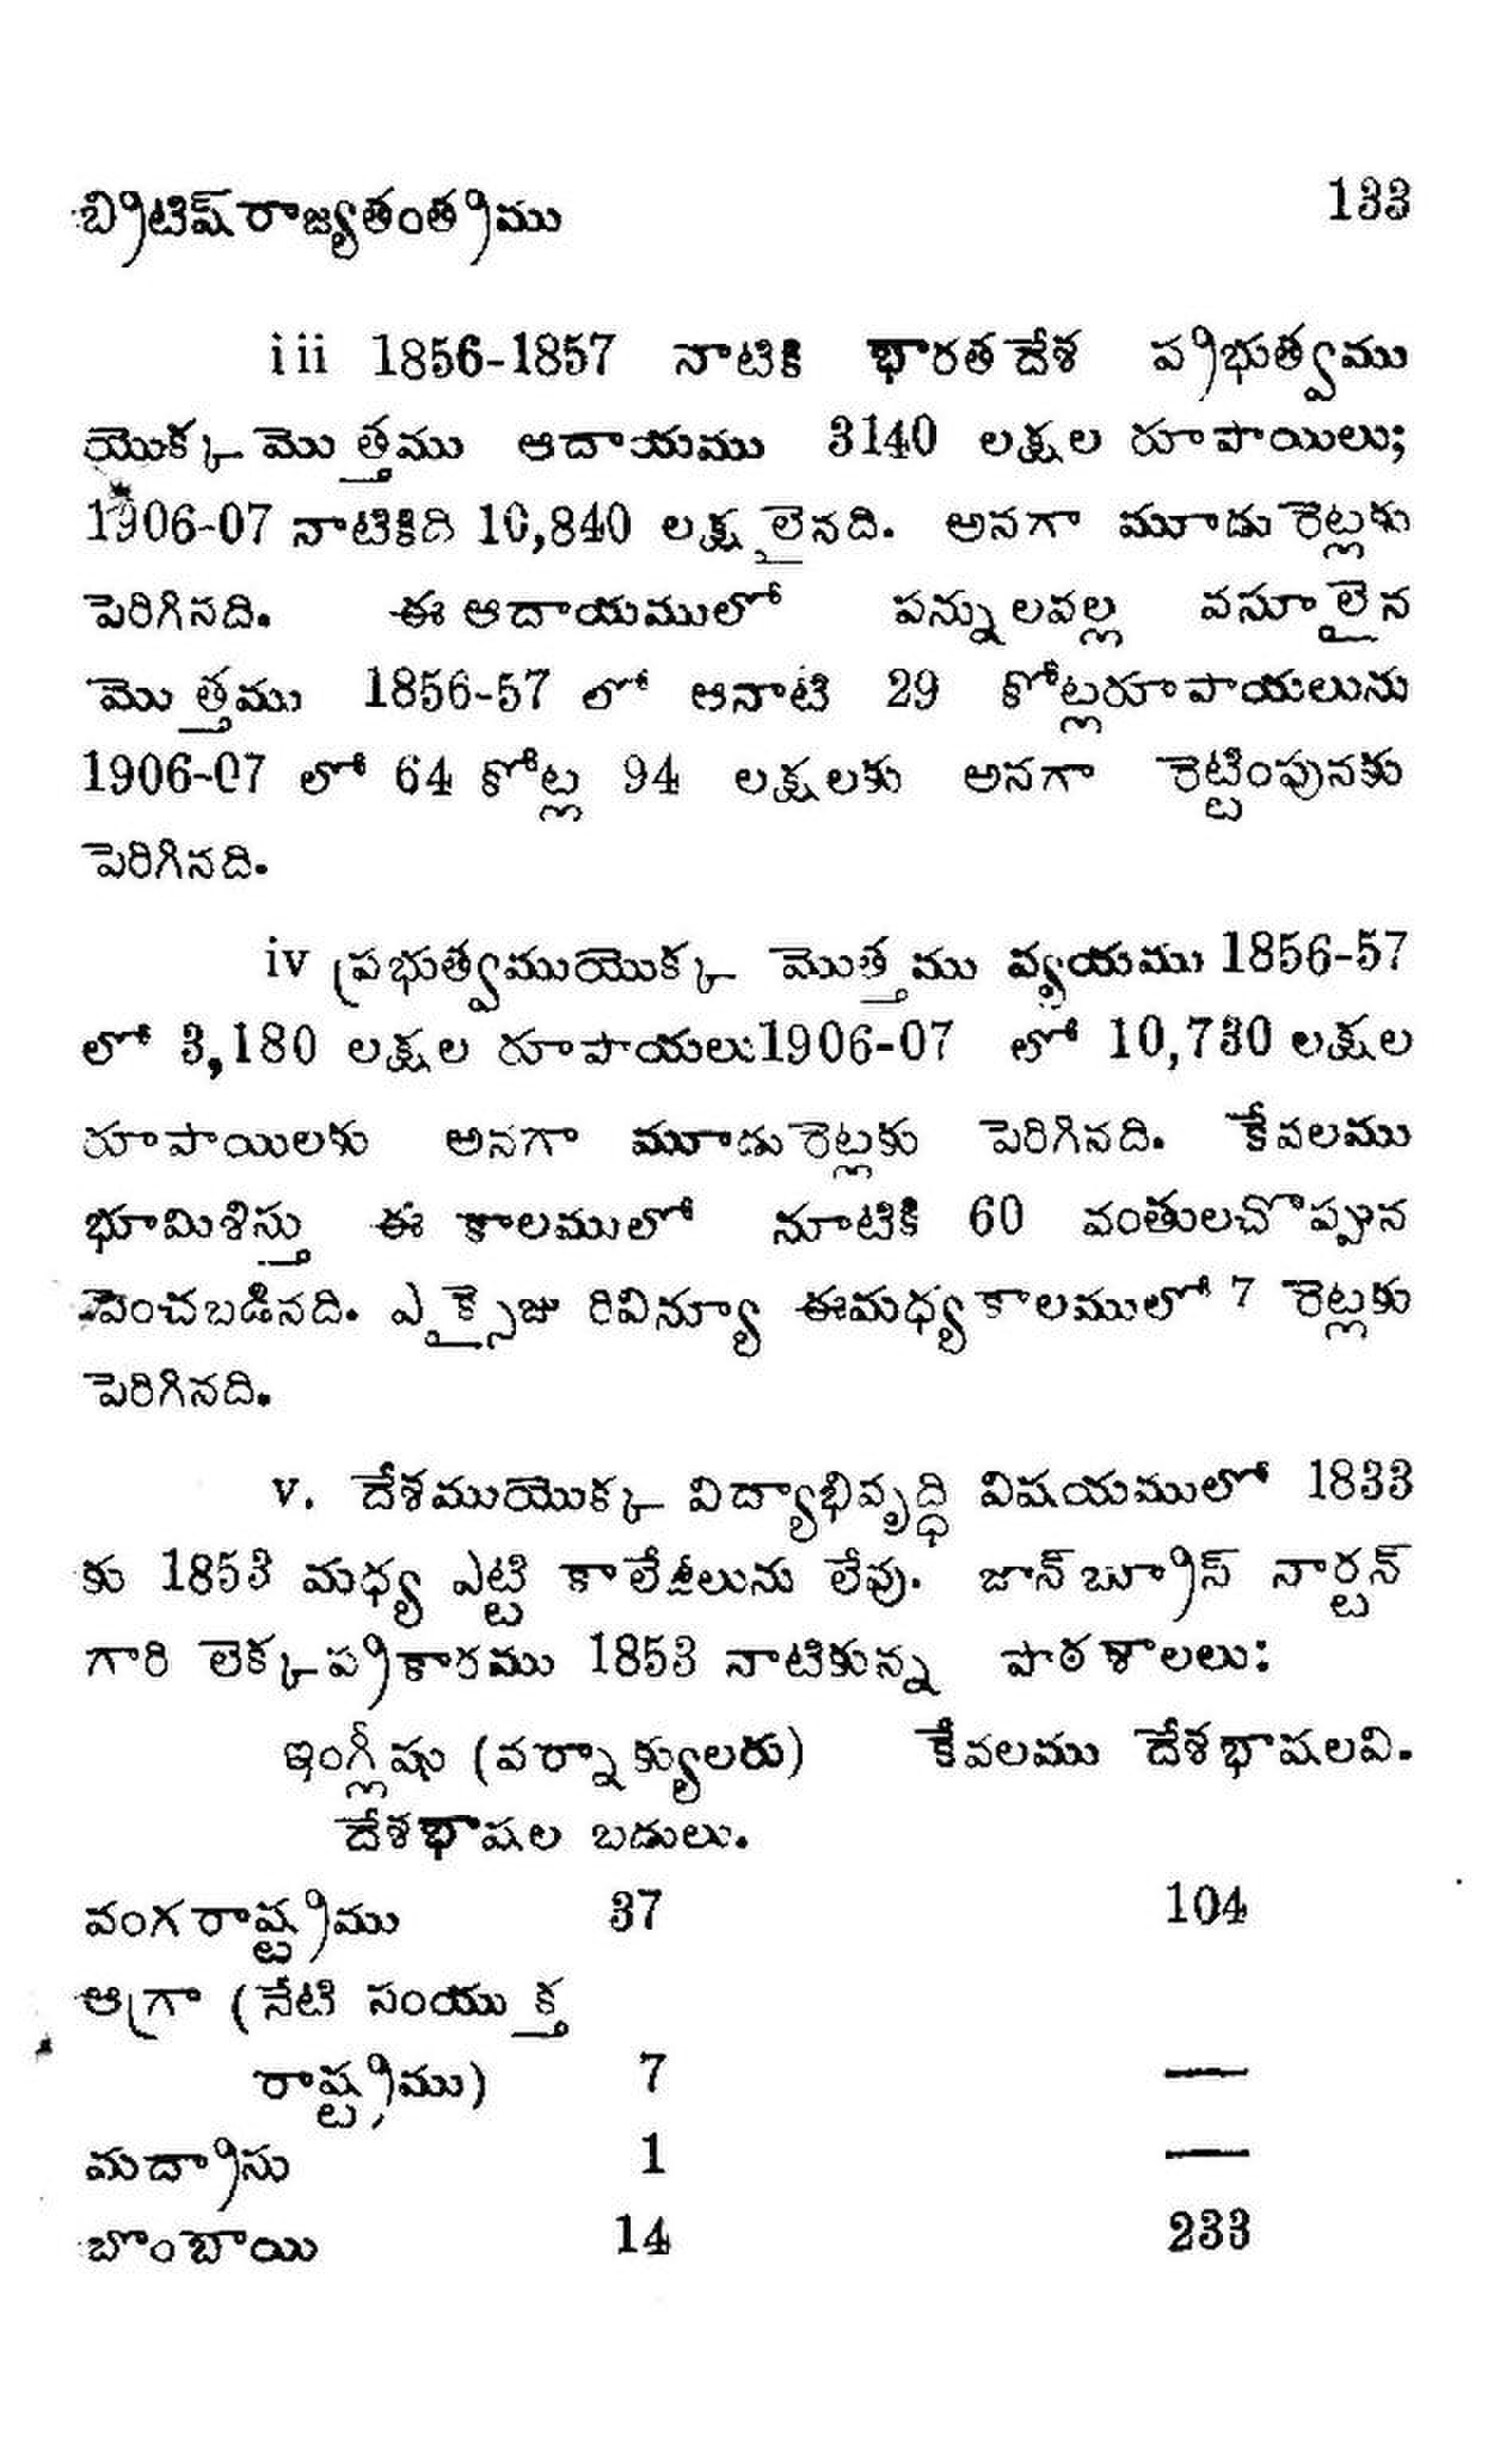iii 1856-1857 నాటికి భారతదేశ ప్రభుత్వముయొక్క మొత్తము ఆదాయము 3140 లక్షల రూపాయిలు; 1906-07 నాటికిది 10,840 లక్షలైనది. అనగా మూడురెట్లకు పెరిగినది. ఈఆదాయములో పన్నులవల్ల వసూలైన మొత్తము 1856-57 లో ఆనాటి 29 కోట్లరూపాయలును 1906-07 లో 64 కోట్ల 94 లక్షలకు అనగా రెట్టింపునకు పెరిగినది.

iv ప్రభుత్వముయొక్క మొత్తము వ్వయము 1856-57 లో 3,180 లక్షల రూపాయలు1906-07 లో 10,730 లక్షల రూపాయిలకు అనగా మూడురెట్లకు పెరిగినది. కేవలము భూమిశిస్తు ఈ కాలములో నూటికి 60 వంతులచొప్పున పెంచబడినది. ఎక్సైజు రివిన్యూ ఈమధ్యకాలములో 7 రెట్లకు పెరిగినది.

v. దేశముయొక్క విద్యాభివృద్ధి విషయములో 1833 కు 1853 మధ్య ఎట్టి కాలేజీలును లేవు. జాన్ బ్రూస్ నార్టన్ గారి లెక్క ప్రకారము 1853 నాటికున్న పాఠశాలలు:

 - ఇంగ్లీషు (వర్నాక్యులరు) దేశభాషల బడులు కేవలము దేశభాషలవి. వంగరాష్ట్రము 37 104 ఆగ్రా (నేటి సంయుక్తరాష్ట్రము) 7 - మద్రాసు 1 - బొంబాయి 14 233